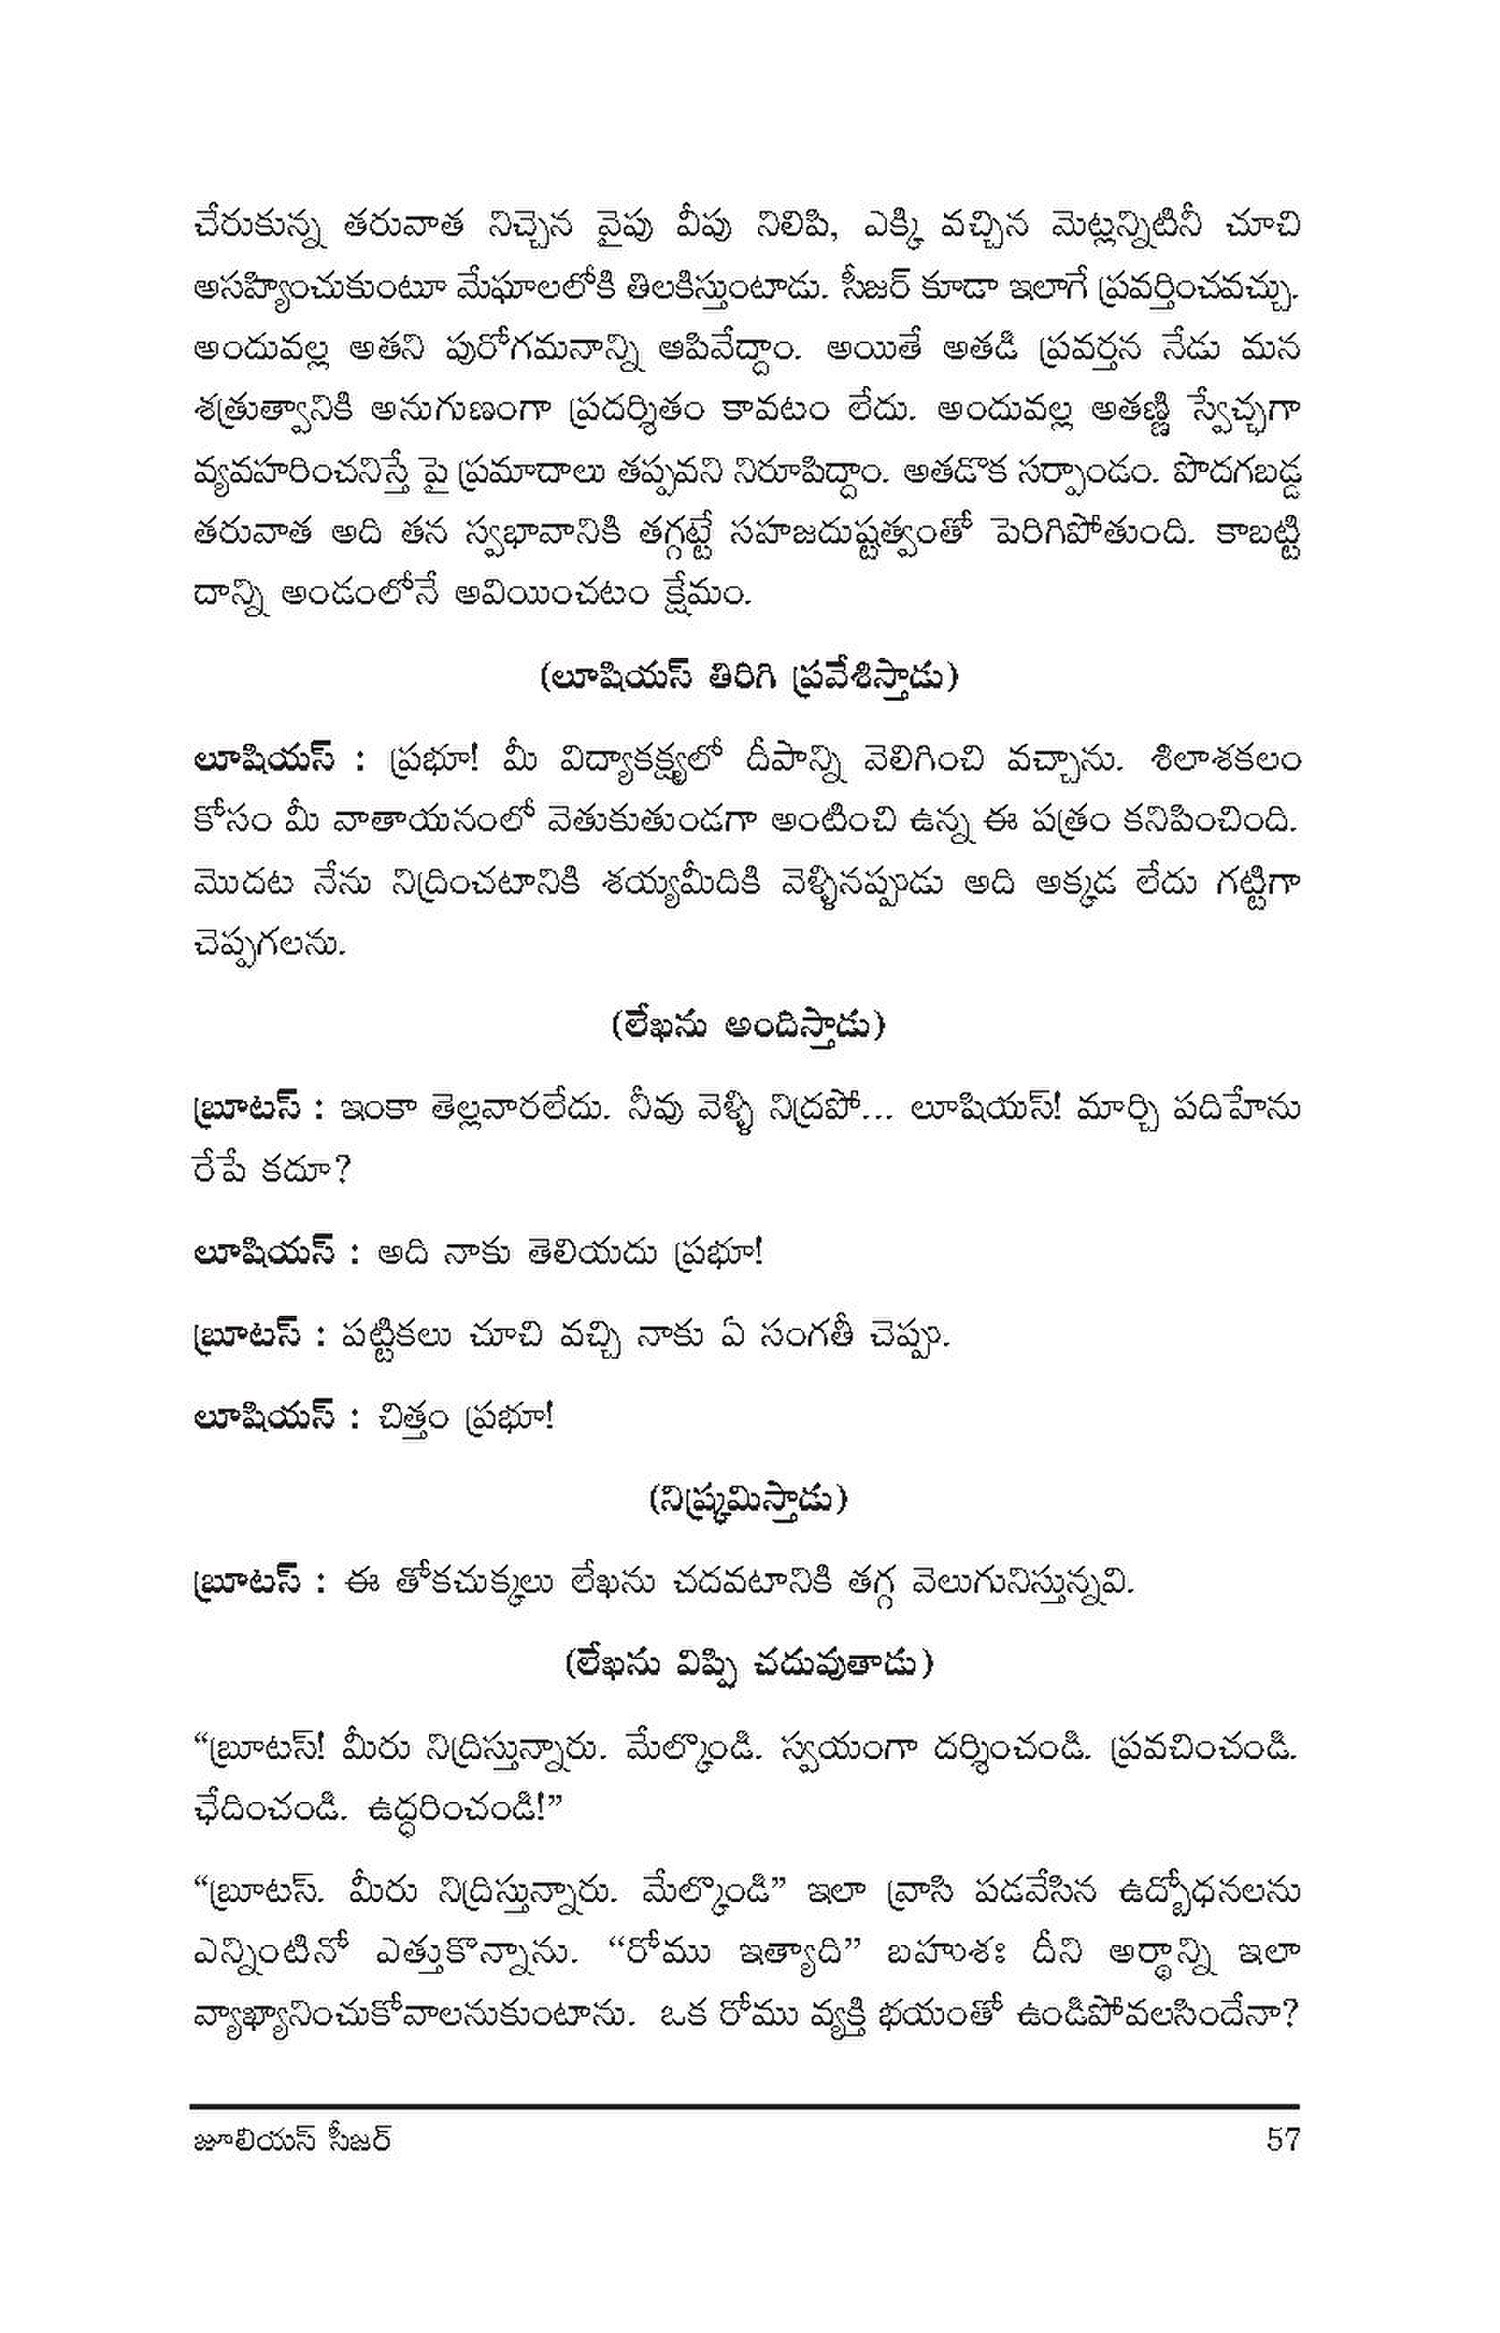చేరుకున్న తరువాత నిచ్చెన వైపు వీపు నిలిపి, ఎక్కి వచ్చిన మెట్లన్నిటినీ చూచి అసహ్యించుకుంటూ మేఘాలలోకి తిలకిస్తుంటాడు. సీజర్ కూడా ఇలాగే ప్రవర్తించవచ్చు. అందువల్ల అతని పురోగమనాన్ని ఆపివేద్దాం. అయితే అతడి ప్రవర్తన నేడు మన శత్రుత్వానికి అనుగుణంగా ప్రదర్శితం కావటం లేదు. అందువల్ల అతణ్ణి స్వేచ్ఛగా వ్యవహరించనిస్తే పై ప్రమాదాలు తప్పవని నిరూపిద్దాం. అతడొక సర్పాండం. పొదగబడ్డ తరువాత అది తన స్వభావానికి తగ్గట్టే సహజ దుష్టత్వంతో పెరిగిపోతుంది. కాబట్టి దాన్ని అండంలోనే అవియించటం క్షేమం.

లూషియస్ : ప్రభూ! మీ విద్యాకక్ష్యలో దీపాన్ని వెలిగించి వచ్చాను. శిలాశకలం కోసం మీ వాతాయనంలో వెతుకుతుండగా అంటించి ఉన్న ఈ పత్రం కనిపించింది. మొదట నేను నిద్రించటానికి శయ్యమీదికి వెళ్ళినప్పుడు అది అక్కడ లేదు గట్టిగా చెప్పగలను.

బ్రూటస్ : ఇంకా తెల్లవారలేదు. నీవు వెళ్ళి నిద్రపో... లూషియస్! మార్చి పదిహేను రేపే కదూ?

లూషియస్ : అది నాకు తెలియదు ప్రభూ!

బ్రూటస్ : పట్టికలు చూచి వచ్చి నాకు ఏ సంగతి చెప్పు.

లూషియస్ : చిత్తం ప్రభూ!

బ్రూటస్ : ఈ తోకచుక్కలు లేఖను చదవటానికి తగ్గ వెలుగునిస్తున్నవి.

"బ్రూటస్! మీరు నిద్రిస్తున్నారు. మేల్కొండి. స్వయంగా దర్శించండి. ప్రవచించండి. ఛేదించండి. ఉద్ధరించండి!”

"బ్రూటస్. మీరు నిద్రిస్తున్నారు. మేల్కొండి" ఇలా వ్రాసి పడవేసిన ఉద్బోధనలను ఎన్నింటినో ఎత్తుకొన్నాను. “రోము ఇత్యాది” బహుశః దీని అర్థాన్ని ఇలా వ్యాఖ్యానించుకోవాలనుకుంటాను. ఒక రోము వ్యక్తి భయంతో ఉండిపోవలసిందేనా?
జూలియస్ సీజర్57